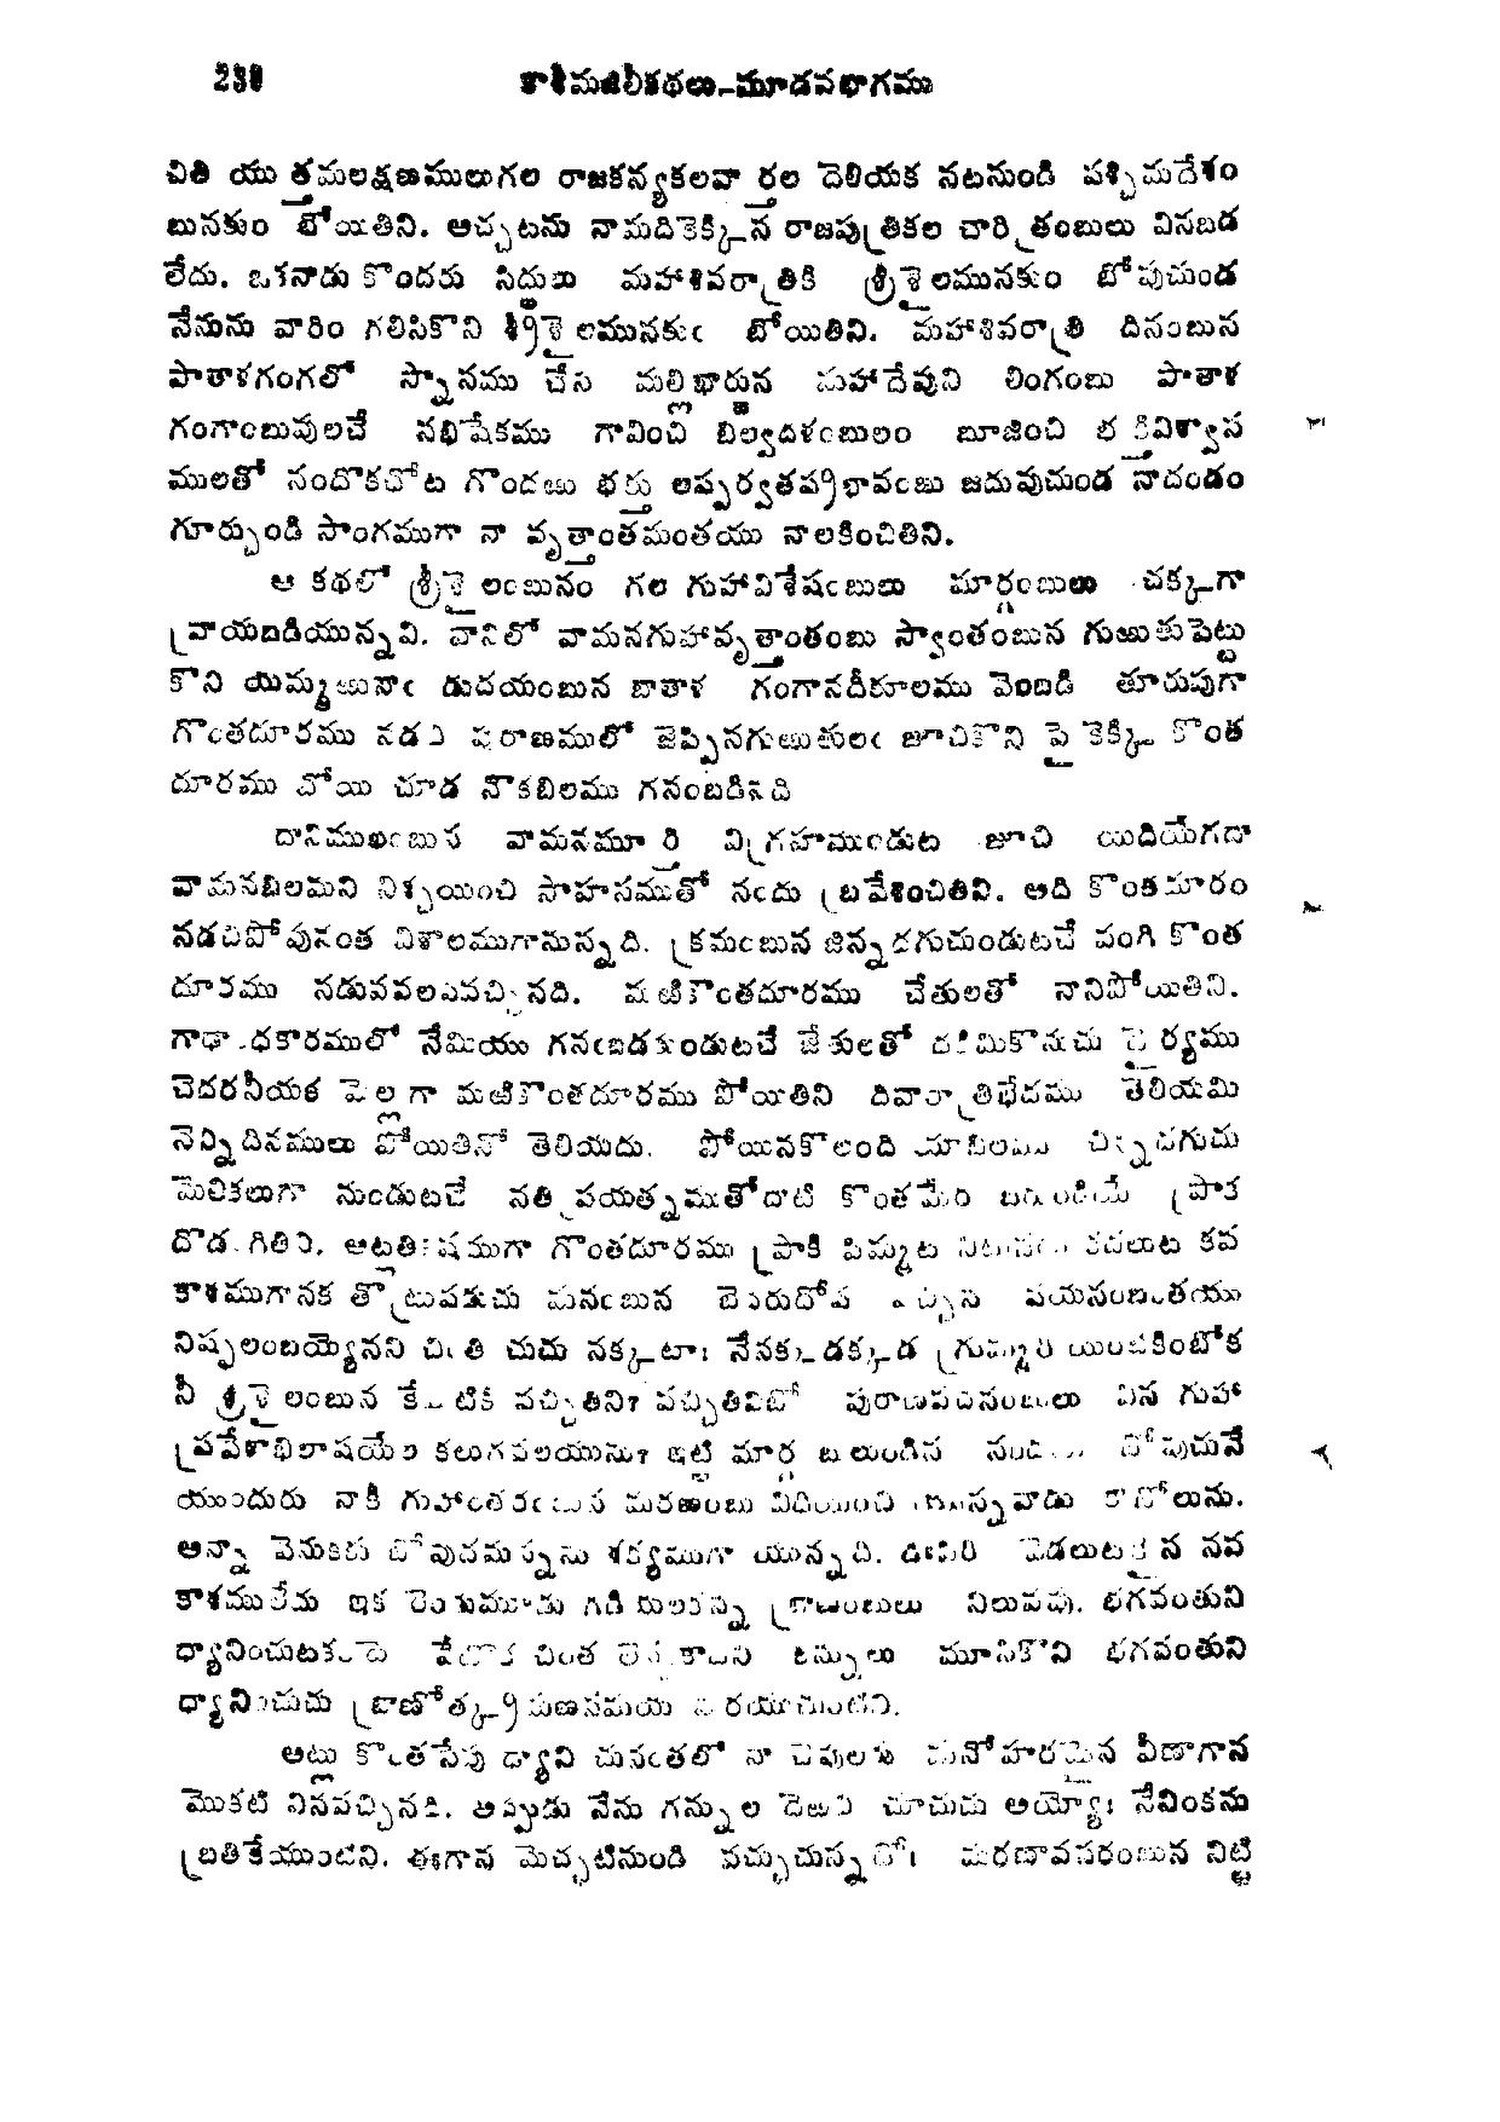చితి యుత్తమలక్షణములుగల రాజకన్యకలవార్తల దెలియక నటనుండి పశ్చిమదేశంబునకుం బోయితిని. ఆచ్చటను నామదికెక్కిన రాజపుత్రికల చారిత్రంబులు వినబడ లేదు. ఒకనాడు కొందరు సిద్దులు మహాశివరాత్రికి శ్రీశైలమునకుం బోవుచుండ నేనును వారిం గలిసికొని శ్రీశైలమునకుఁ బోయితిని. మహాశివరాత్రి దినంబున పాతాళగంగలో స్నానము చేసి మల్లిఖార్జున మహాదేవుని లింగంబు పాతాళ గంగాంబువులచే నభిషేకము గావించి బిల్వదళంబులం బూజించి భక్తివిశ్వాసములతో నందొకచోట గొందఱు భక్తు లప్పర్వతప్రభావంబు జదువుచుండ నాదండం గూర్చుండి సాంగముగా నా వృత్తాంతమంతయు నాలకించితిని.

ఆ కథలో శ్రీశైలంబునం గల గుహావిశేషంబులు మార్గంబులు చక్కగా వ్రాయబడియున్నవి. వానిలో వామనగుహావృత్తాంతంబు స్వాంతంబున గుఱుతుపెట్టుకొని యమ్మఱునాఁ డుదయంబున బాతాళ గంగానదీకూలము వెంబడి తూరుపుగా గొంతదూరము నడచి పురాణములో జెప్పినగుఱుతులఁ జూచికొని పై కెక్కి కొంత దూరము బోయి చూడ నొకబిలము గనంబడినది

దానిముఖంబున వామనమూర్తి విగ్రహముండుట జూచి యిదియేగదా వామనబిలమని నిశ్చయించి సాహసముతో నందు బ్రవేశించితిని. అది కొంతదూరం నడచిపోవునంత విశాలముగానున్నది. క్రమంబున జిన్నదగుచుండుటచే వంగి కొంత దూరము నడువవలసివచ్చినది. మఱికొంతదూరము చేతులతో నానిపోయితిని. గాఢాంధకారములో నేమియు గనఁబడకుండుటచే జేతులతో దడిమికొనుచు దైర్యము చెదరనీయక మెల్లగా మఱికొంతదూరము పోయితిని దివారాత్రిభేదము తెలియమి నెన్నిదినములు పోయితినో తెలియదు. పోయినకొలంది యాబిలము చిన్నదగుచు మెలికలుగా నుండుటచే నతిప్రయత్నముతో దాటి కొంతమేర బరుండియే ప్రాక దొడంగితిని. అట్లతిషముగా గొంతదూరము ప్రాకి పిమ్మట నిటునటు కదలుట కవకాశముగానక తొట్రుపడుచు మనంబున బెదరుదోప వచ్చిన పయనంబంతయు నిష్ఫలంబయ్యెనని చింతించుచు నక్కటా! నేనక్కడక్కడ గ్రుమ్మరి యింటికింబోక నీ శ్రీశైలంబున కేమిటికి వచ్చితిని? వచ్చితివిబో పురాణవచనంబులు విన గుహాప్రవేశాభిలాషయేల కలుగవలయును? ఇట్టి మార్గంబులుండిన నందఱు బోవుచునే యుందురు నాకీ గుహాంతరంబున మరణంబు విధియించి యున్నవాడు కాబోలును. అన్నా వెనుకకు బోవుదమన్నను శక్యముగాక యున్నది. ఊపిరి వెడలుటకైన నవకాశములేదు ఇక రెండుమూడు గడియలకన్న బ్రాణంబులు నిలువవు. భగవంతుని ధ్యానించుటకంటె వేఱొక చింత లెన్నకాదని కన్నులు మూసికొని భగవంతుని ధ్యానించుచు బ్రాణోత్క్రమణసమయ నరయుచుంటిని.

అట్లు కొంతసేపు ధ్యానించునంతలో నా చెవులకు మనోహరమైన వీణాగాన మొకటి వినవచ్చినది. అప్పుడు నేను గన్నుల దెఱచి చూచుచు అయ్యో! నేనింకను బ్రతికేయుంటిని. ఈగాన మెచ్చటినుండి వచ్చుచున్నదో? మరణావసరంబున నిట్టి